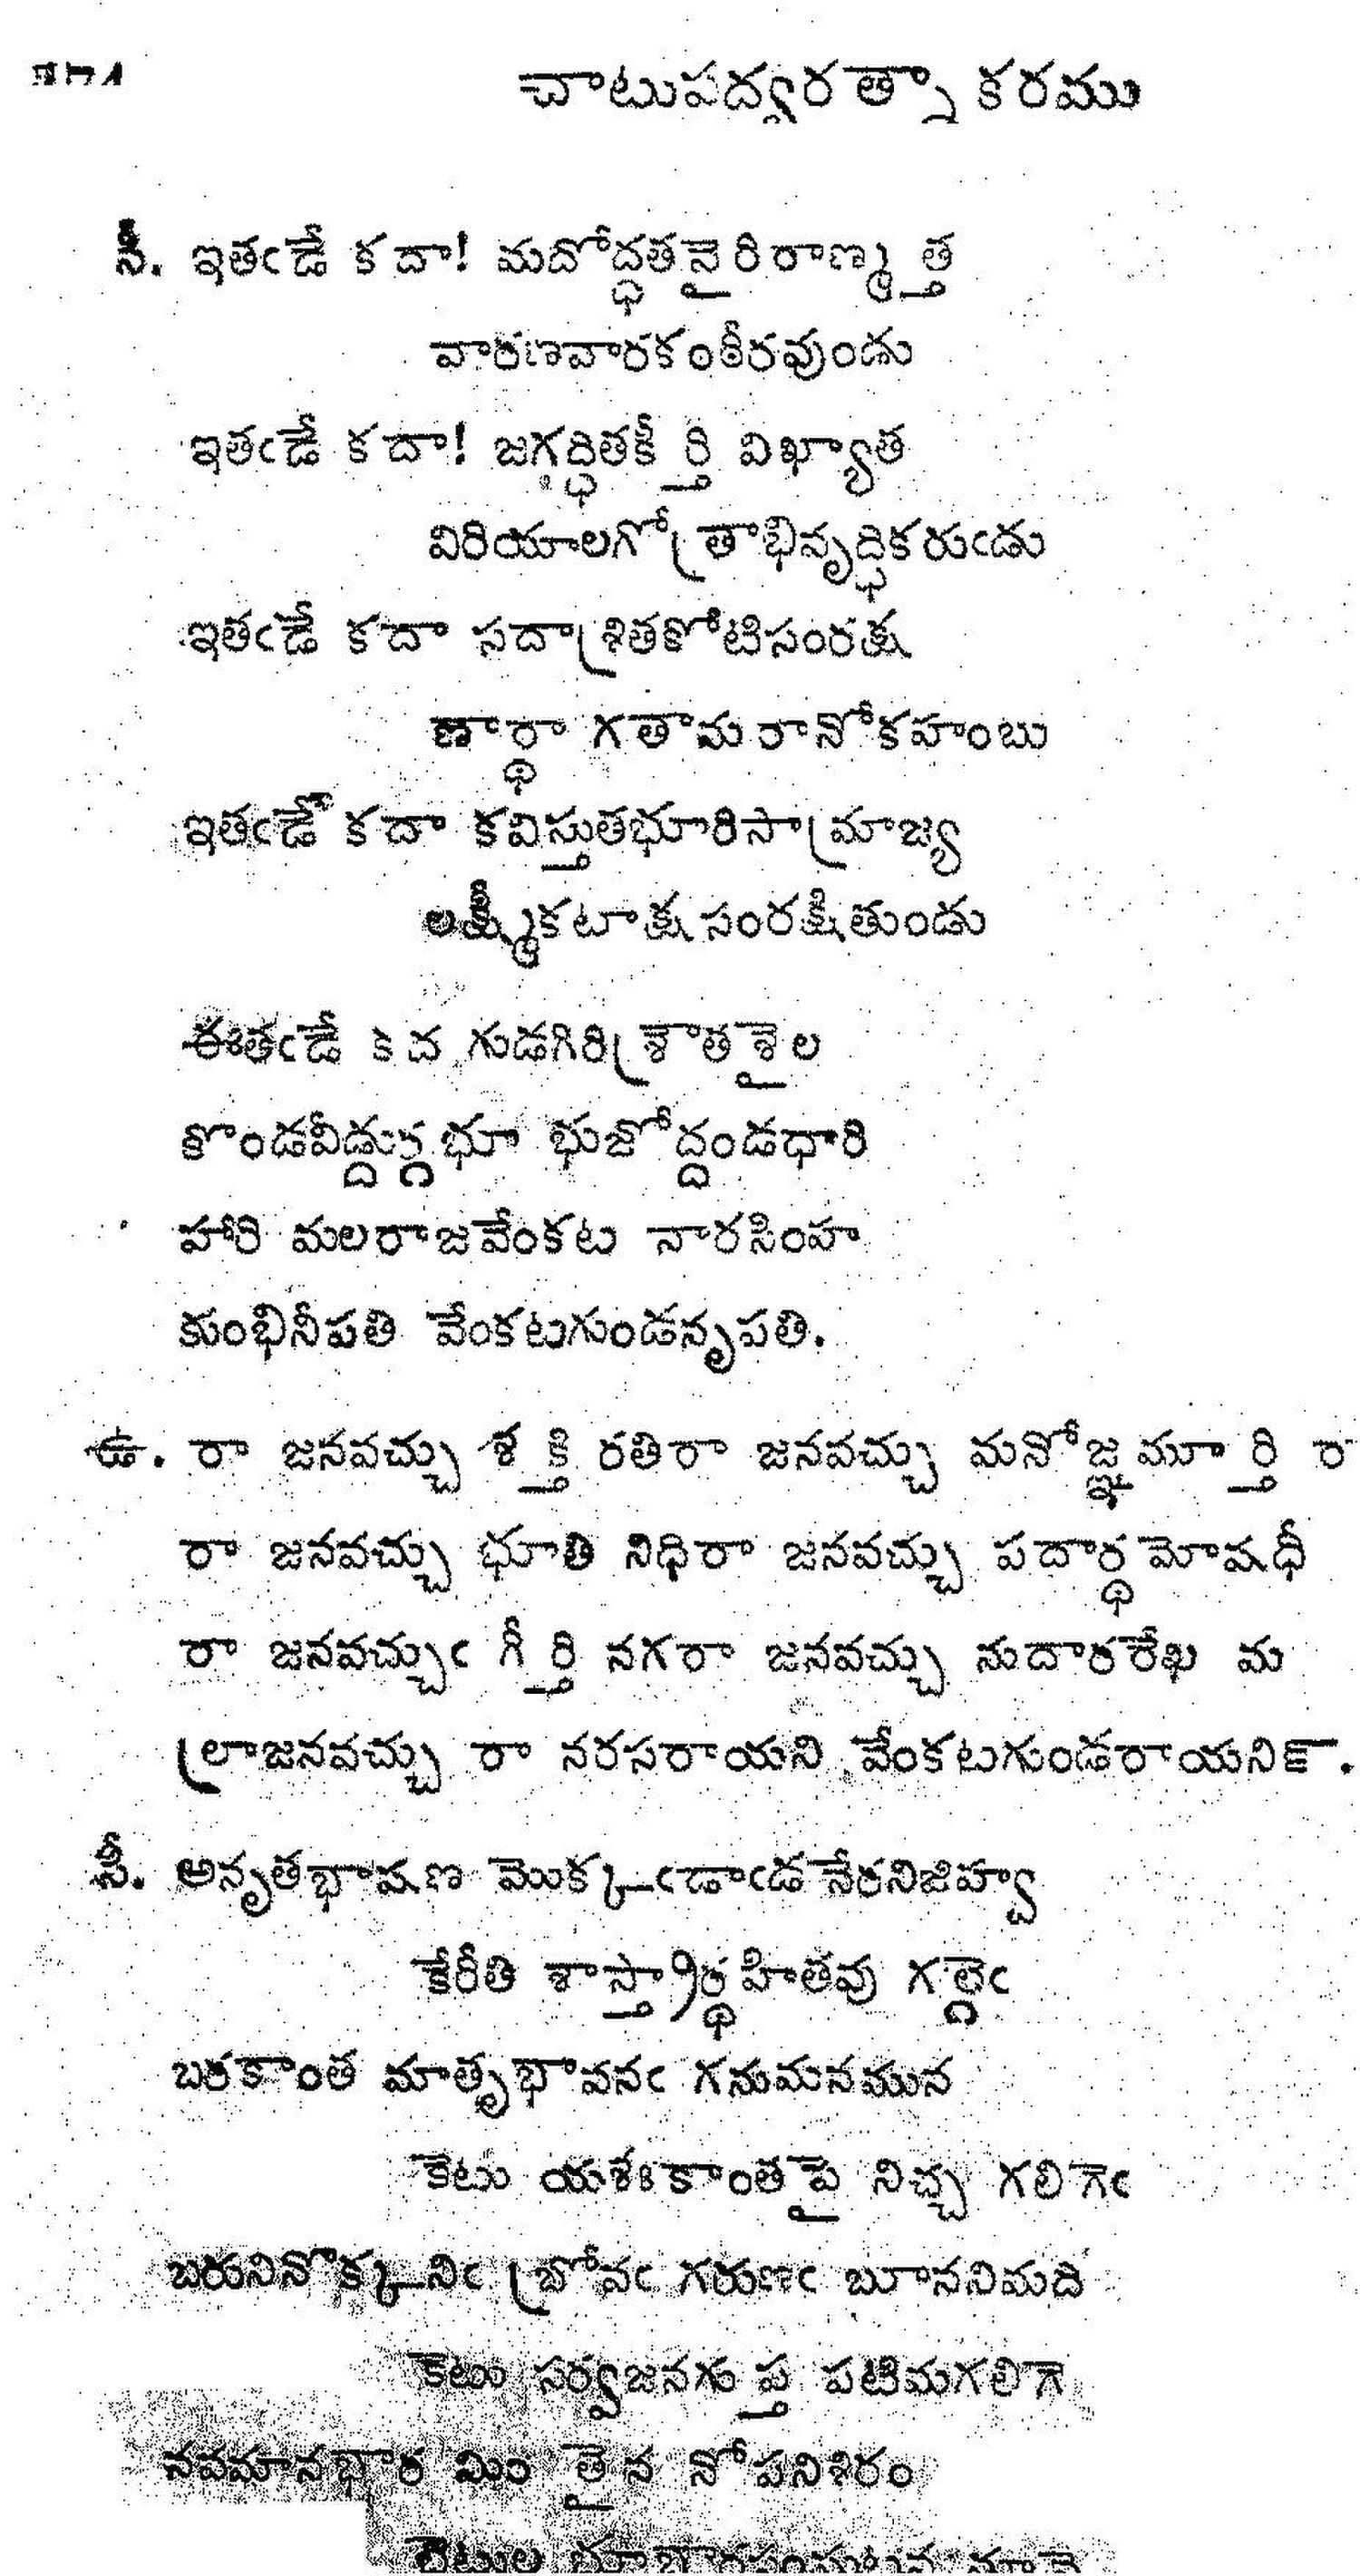సీ. ఇతఁడే కదా! మదోద్ధతవైరిరాణ్మత్త
 వారణవారకంఠీరవుండు
 ఇతఁడే కదా! జగద్ధితకీర్తివిఖ్యాత
 విరియాలగోత్రాభివృద్ధికరుఁడు
 ఇతఁడే కదా! సదాశ్రితకోటిసంరక్ష
 ణార్థాగతామరానోహకంబు
 ఇతఁడే కదా! కవిస్తుతభూరిసామ్రాజ్య
 లక్ష్మీకటాక్షసంరక్షితుండు
 ఈతఁడే కద గుడగిరిశ్రౌతశైల
 కొండవీడ్దుర్గభూభుజోద్దండధారి
 హారి మలరాజవేంకటనారసింహ
 కుంభినీపతి వేంకటగుండనృపతి.

ఉ. రా జనవచ్చు శక్తి రతిరా జనవచ్చు మనోజ్ఞమూర్తి రా
 రా జనవచ్చు భూతి నిధిరా జనవచ్చు పదార్థమోషధీ
 రా జనవచ్చుఁ గీర్తి నగరా జనవచ్చు నుదారరేఖ మ
 ల్రాజనవచ్చు రా నరసరాయని వేంకటగుండరాయనిన్.

సీ. అనృతభాషణ మొక్కఁ డాఁడనేరనిజిహ్వ
 కేరీతి శాస్త్రార్థహితవుఁ గల్గెఁ
 బరకాంత మాతృభావనఁ గనుమనమున
 కెటు యశఃకాంతపై నిచ్చ గలిగెఁ
 బరునినొక్కనిఁ బ్రోవఁ గరుణఁ బూననిమది
 కెటు సర్వజనగుప్తపటిమ గలిగె
 నవమానభార మిం తైన నోపనిశిరం
 బెటుల భూభారసంఘటన నూనె